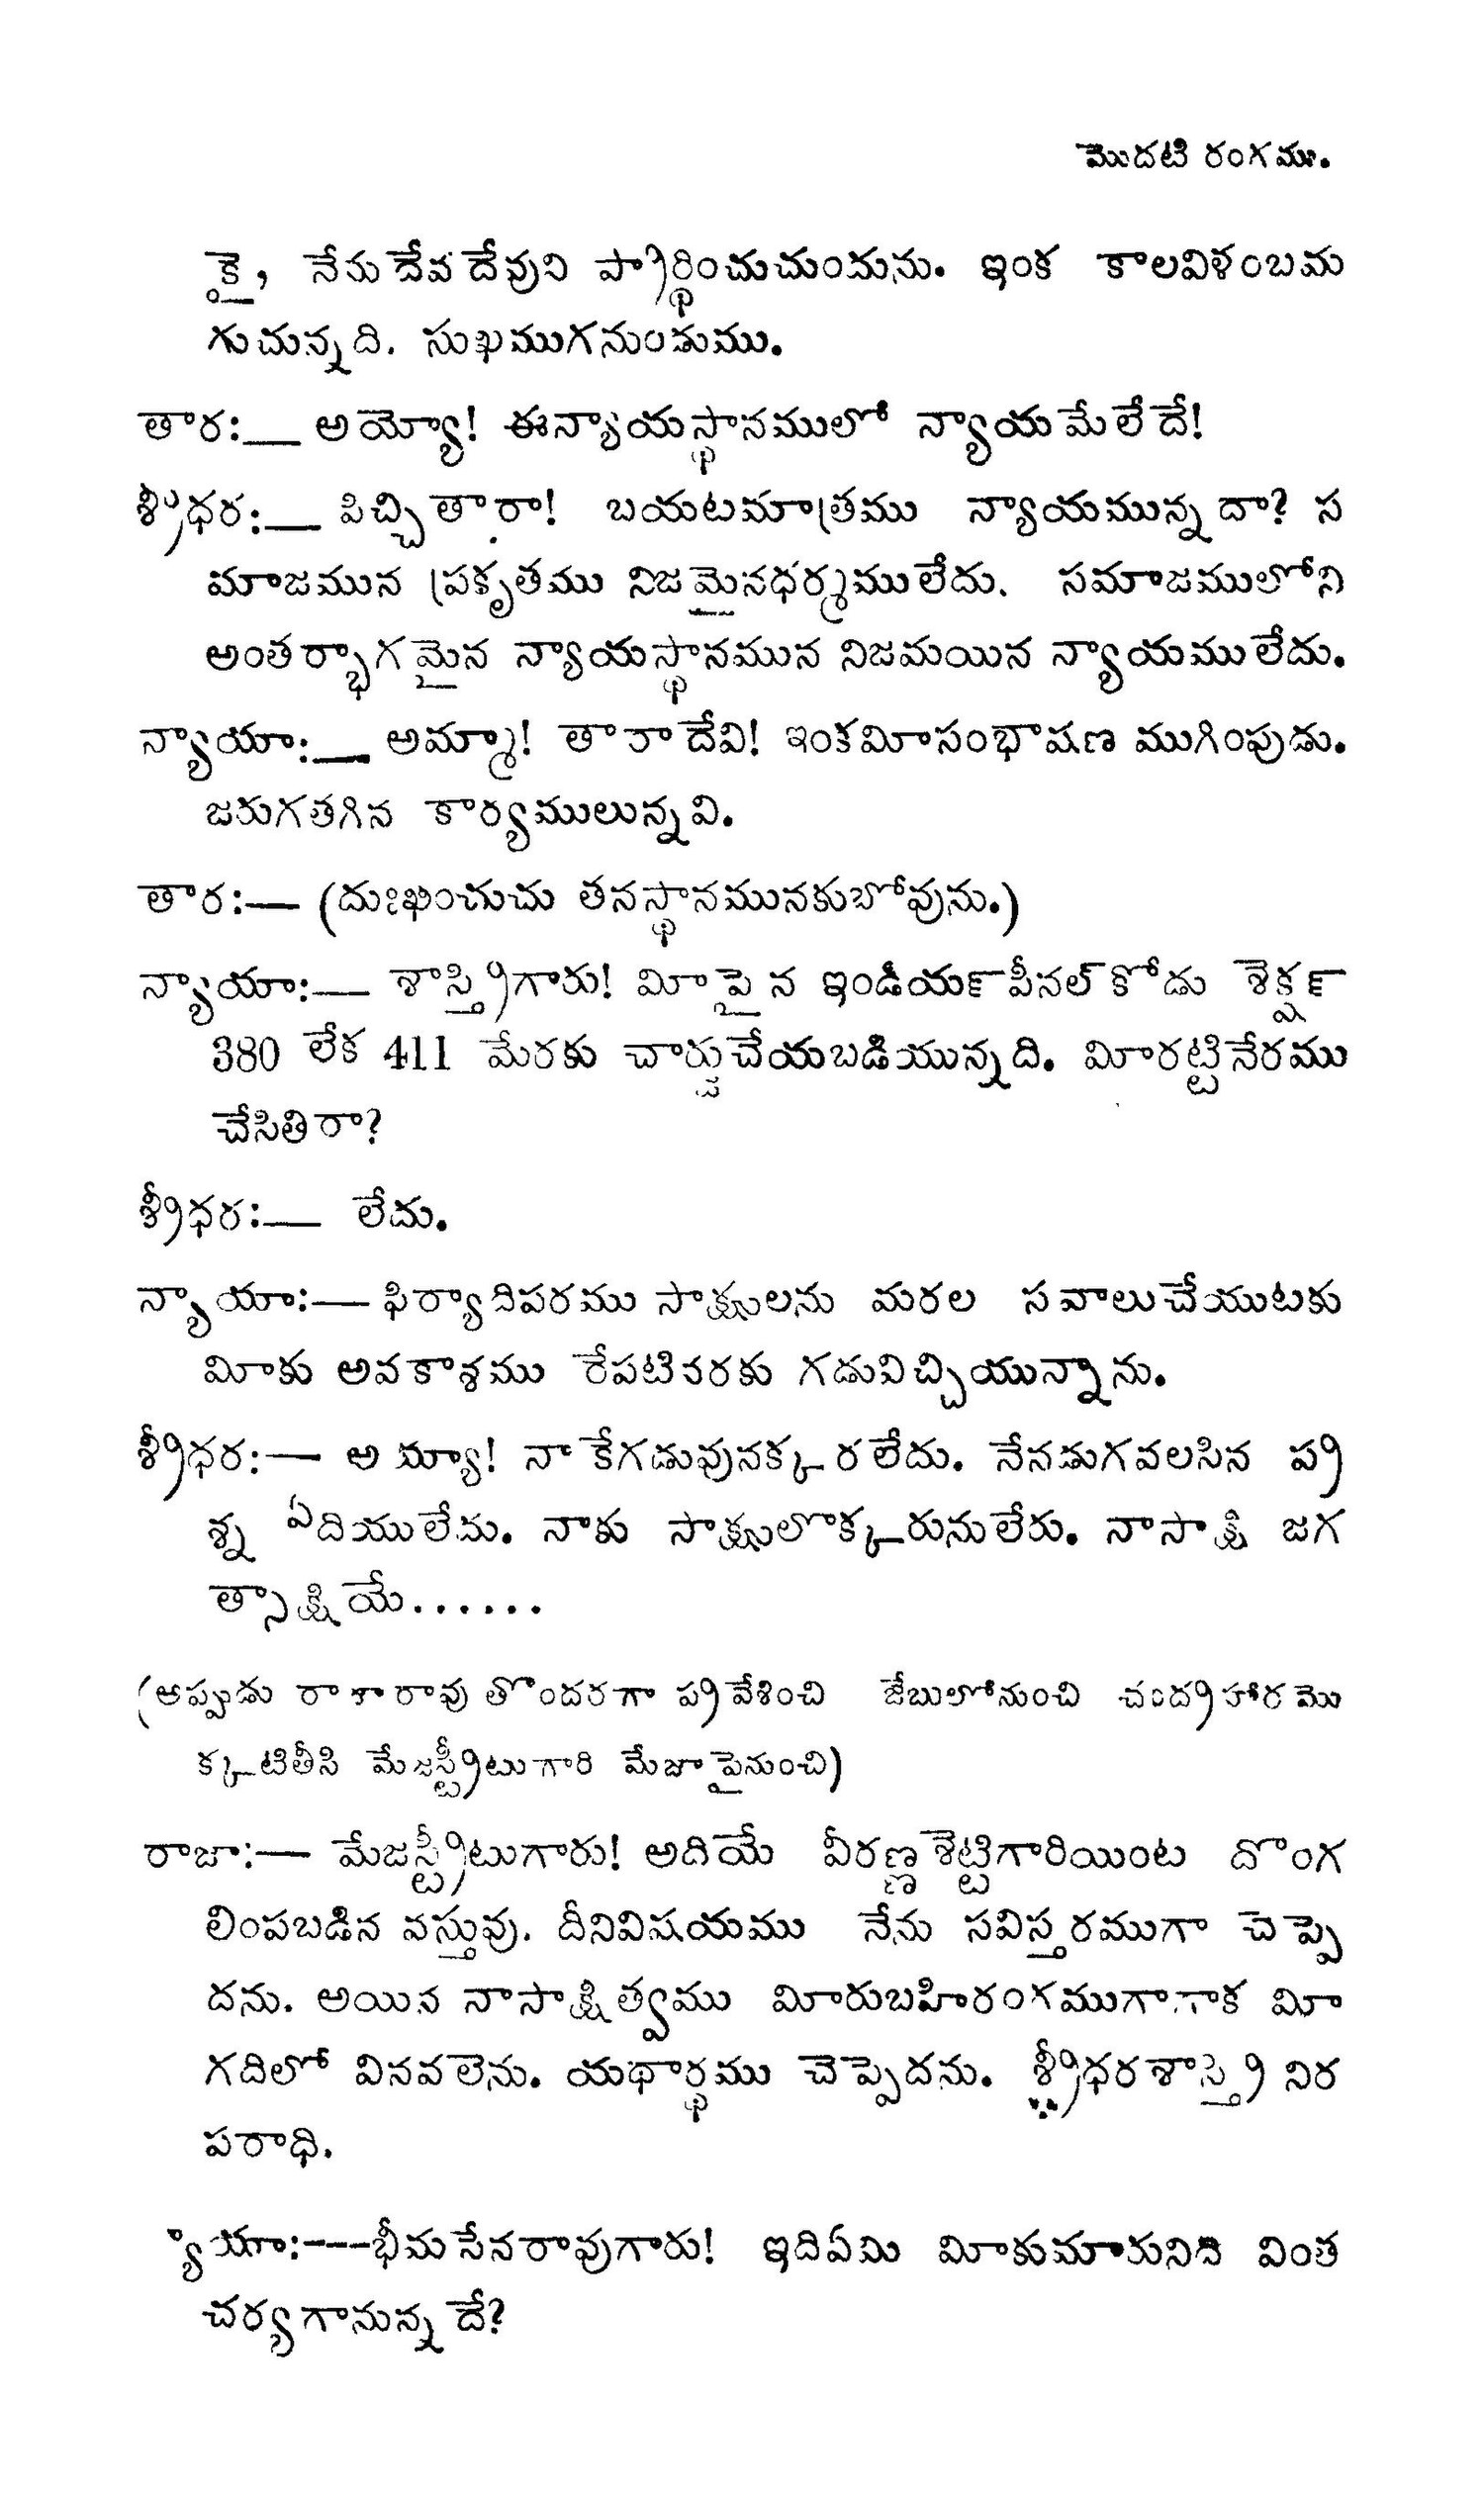కై:- నేనుదేవదేవుని ప్రార్దించు చుందును. ఇంక కాలవిళంబమగుచున్నది. సుఖంగనుండుము.

తార:- అయ్యే! ఈన్యాయస్ధానములో న్యాయమే లేదే!

శ్రీధర:-పిచ్చితారా! బయట మాత్రము న్యాయమున్నదా? సమాజమున ప్రకృతము నిజమైన ధర్మములేదు. సమాజము లోని అంతర్భాగమైన న్యాయస్ధానమున నిజమయిన న్యాయములేదు.

న్యాయా:-అమ్మా! తారాదేవి! ఇంకమీరు సంబాషణ ముగింపుడు.జరుగతగిన కార్యములున్నవి.

తార:-(దు:ఖించుచు తనస్థానమునకుబోవును)

న్యాయా:- శాస్త్రిగారు! మీపైన ఇండియన్ పీనల్ కోడు శక్షను 380 లేక 411 మేరకు చార్జుచేయబడియున్నది. మీరట్టినేరము చేసితిరా?

శ్రీధర:-లేదు.

న్యాయా:-ఫిర్యాదిపరము సాక్షులను మరల సవాలుచేయుటకు మీకు అవకాశము రేపటివరకు గడువిచ్చియున్నాను.

శ్రీధర:-అయ్యా! నాకేగడువునక్కరలేదు. నేనడుగ వలసిన ప్రశ్న ఏదియులేదు. నాకు సాక్షులక్కరును లేరు. నాసాక్షి జగస్సాక్షియే....

(అప్పుడు రాజారావు తొందరగా ప్రవేశించి జేబులోనుంచి చంద్రహారమొక్కటితీసి మేస్ట్రీటుగారి మేజాపైనుంచి)

రాజా:-మేజస్ట్రీటుగారు! అదియే వీరణ్ణశెట్టిగారియింట దొంగిలింపబడిన వస్తువు. దీని విషయము నేను సవిస్తరముగా చెప్పెదను. అయిన నాసాక్షిత్వము మీరు బహిరేంగముగా కాక మీగదిలోనే వినవలెను. యదార్దము చెప్పెదను. శ్రీధరశాస్త్రి నిరపరాధి

న్యాయా:-భీమసేనరావుగారు! ఇదిఏమి మీకుమారునిది వింత చర్యగానున్నదే?